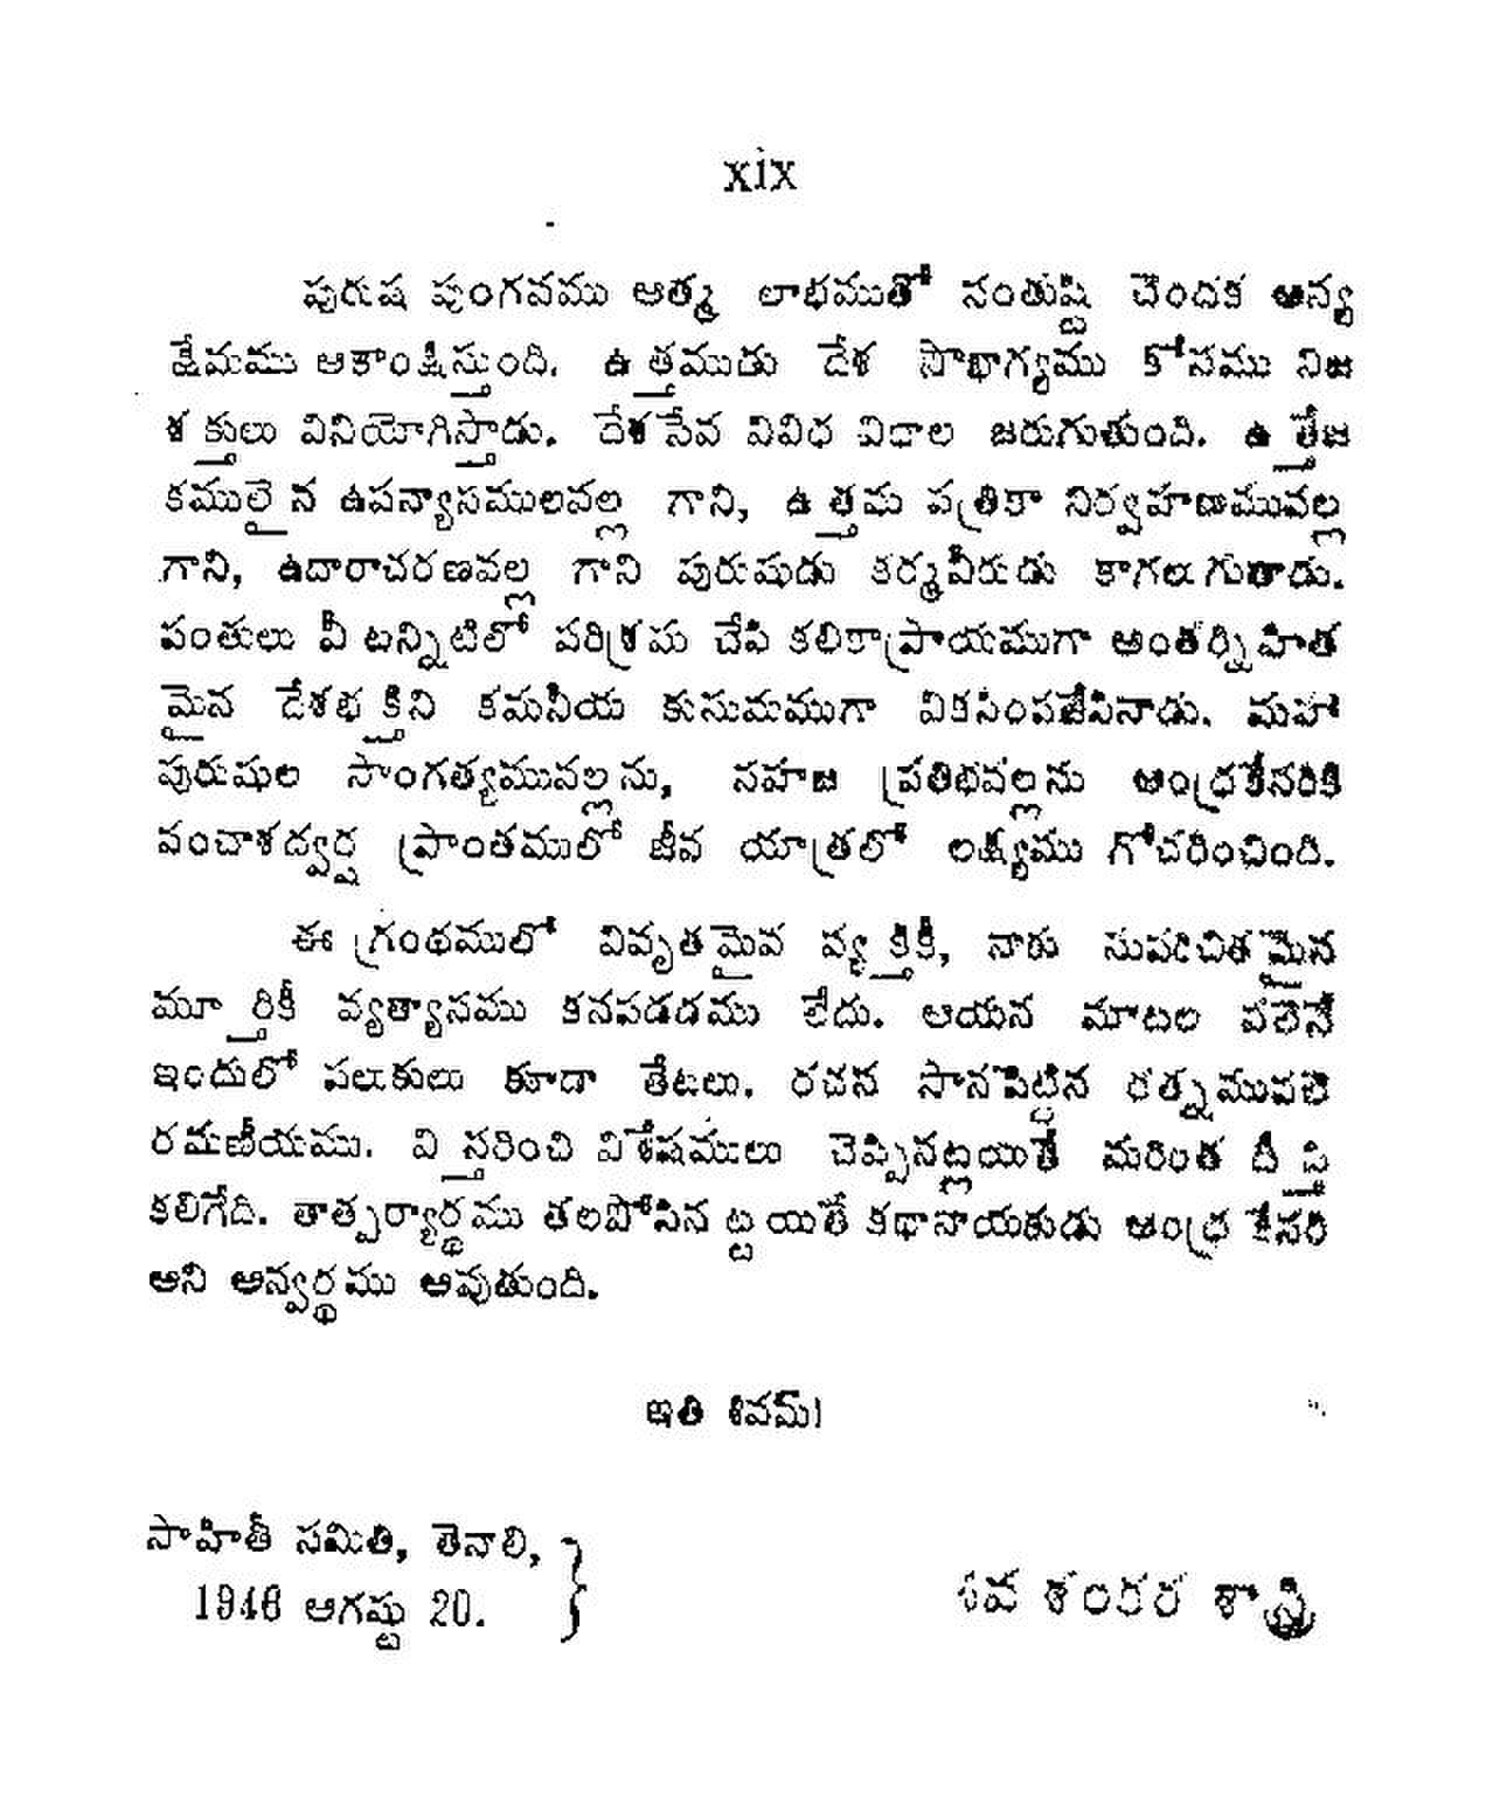పురుష పుంగవము ఆత్మ లాభముతో సంతుష్టి చెందక అన్య క్షేమము ఆకాంక్షిస్తుంది. ఉత్తముడు దేశ సౌభాగ్యము కోసము నిజశక్తులు వినియోగిస్తాడు. దేశసేవ వివిధ విదాల జరుగుతుంది. ఉత్తేజకములైన ఉపన్యాసములవల్ల గాని, ఉత్తమ పత్రికా నిర్వహణమువల్ల గాని, ఉదారాచరణవల్ల గాని పురుషుడు కర్మవీరుడు కాగలుగుతాడు. పంతులు వీ టన్నిటిలో పరిశ్రమ చేసి కలికాప్రాయముగా అంతర్నిహితమైన దేశభక్తిని కమనీయ కుసుమముగా వికసింపజేసినాడు. మహాపురుషుల సాంగత్యమువల్లను, సహజ ప్రతిభవల్లను ఆంధ్రకేసరికి పంచాశద్వర్ష ప్రాంతములో జీవ యాత్రలో లక్ష్యము గోచరించింది.

ఈ గ్రంథములో వివృతమైన వ్యక్తికీ, నాకు సుపరిచితమైన మూర్తికీ వ్యత్యాసము కనపడడము లేదు. ఆయన మాటల వలెనే ఇందులో పలుకులు కూడా తేటలు. రచన సానపెట్టిన రత్నమువలె రమణీయము. విస్తరించి విశేషములు చెప్పినట్లయితే మరింత దీప్తి కలిగేది తాత్పర్యార్థము తలపోసినట్ట యితే కథానాయకుడు ఆంధ్ర కేసరి అని అన్వర్థము అవుతుంది.

సాహితీ సమితి, తెనాలి,1946 ఆగష్టు 20..శివ శంకర శాస్త్రి